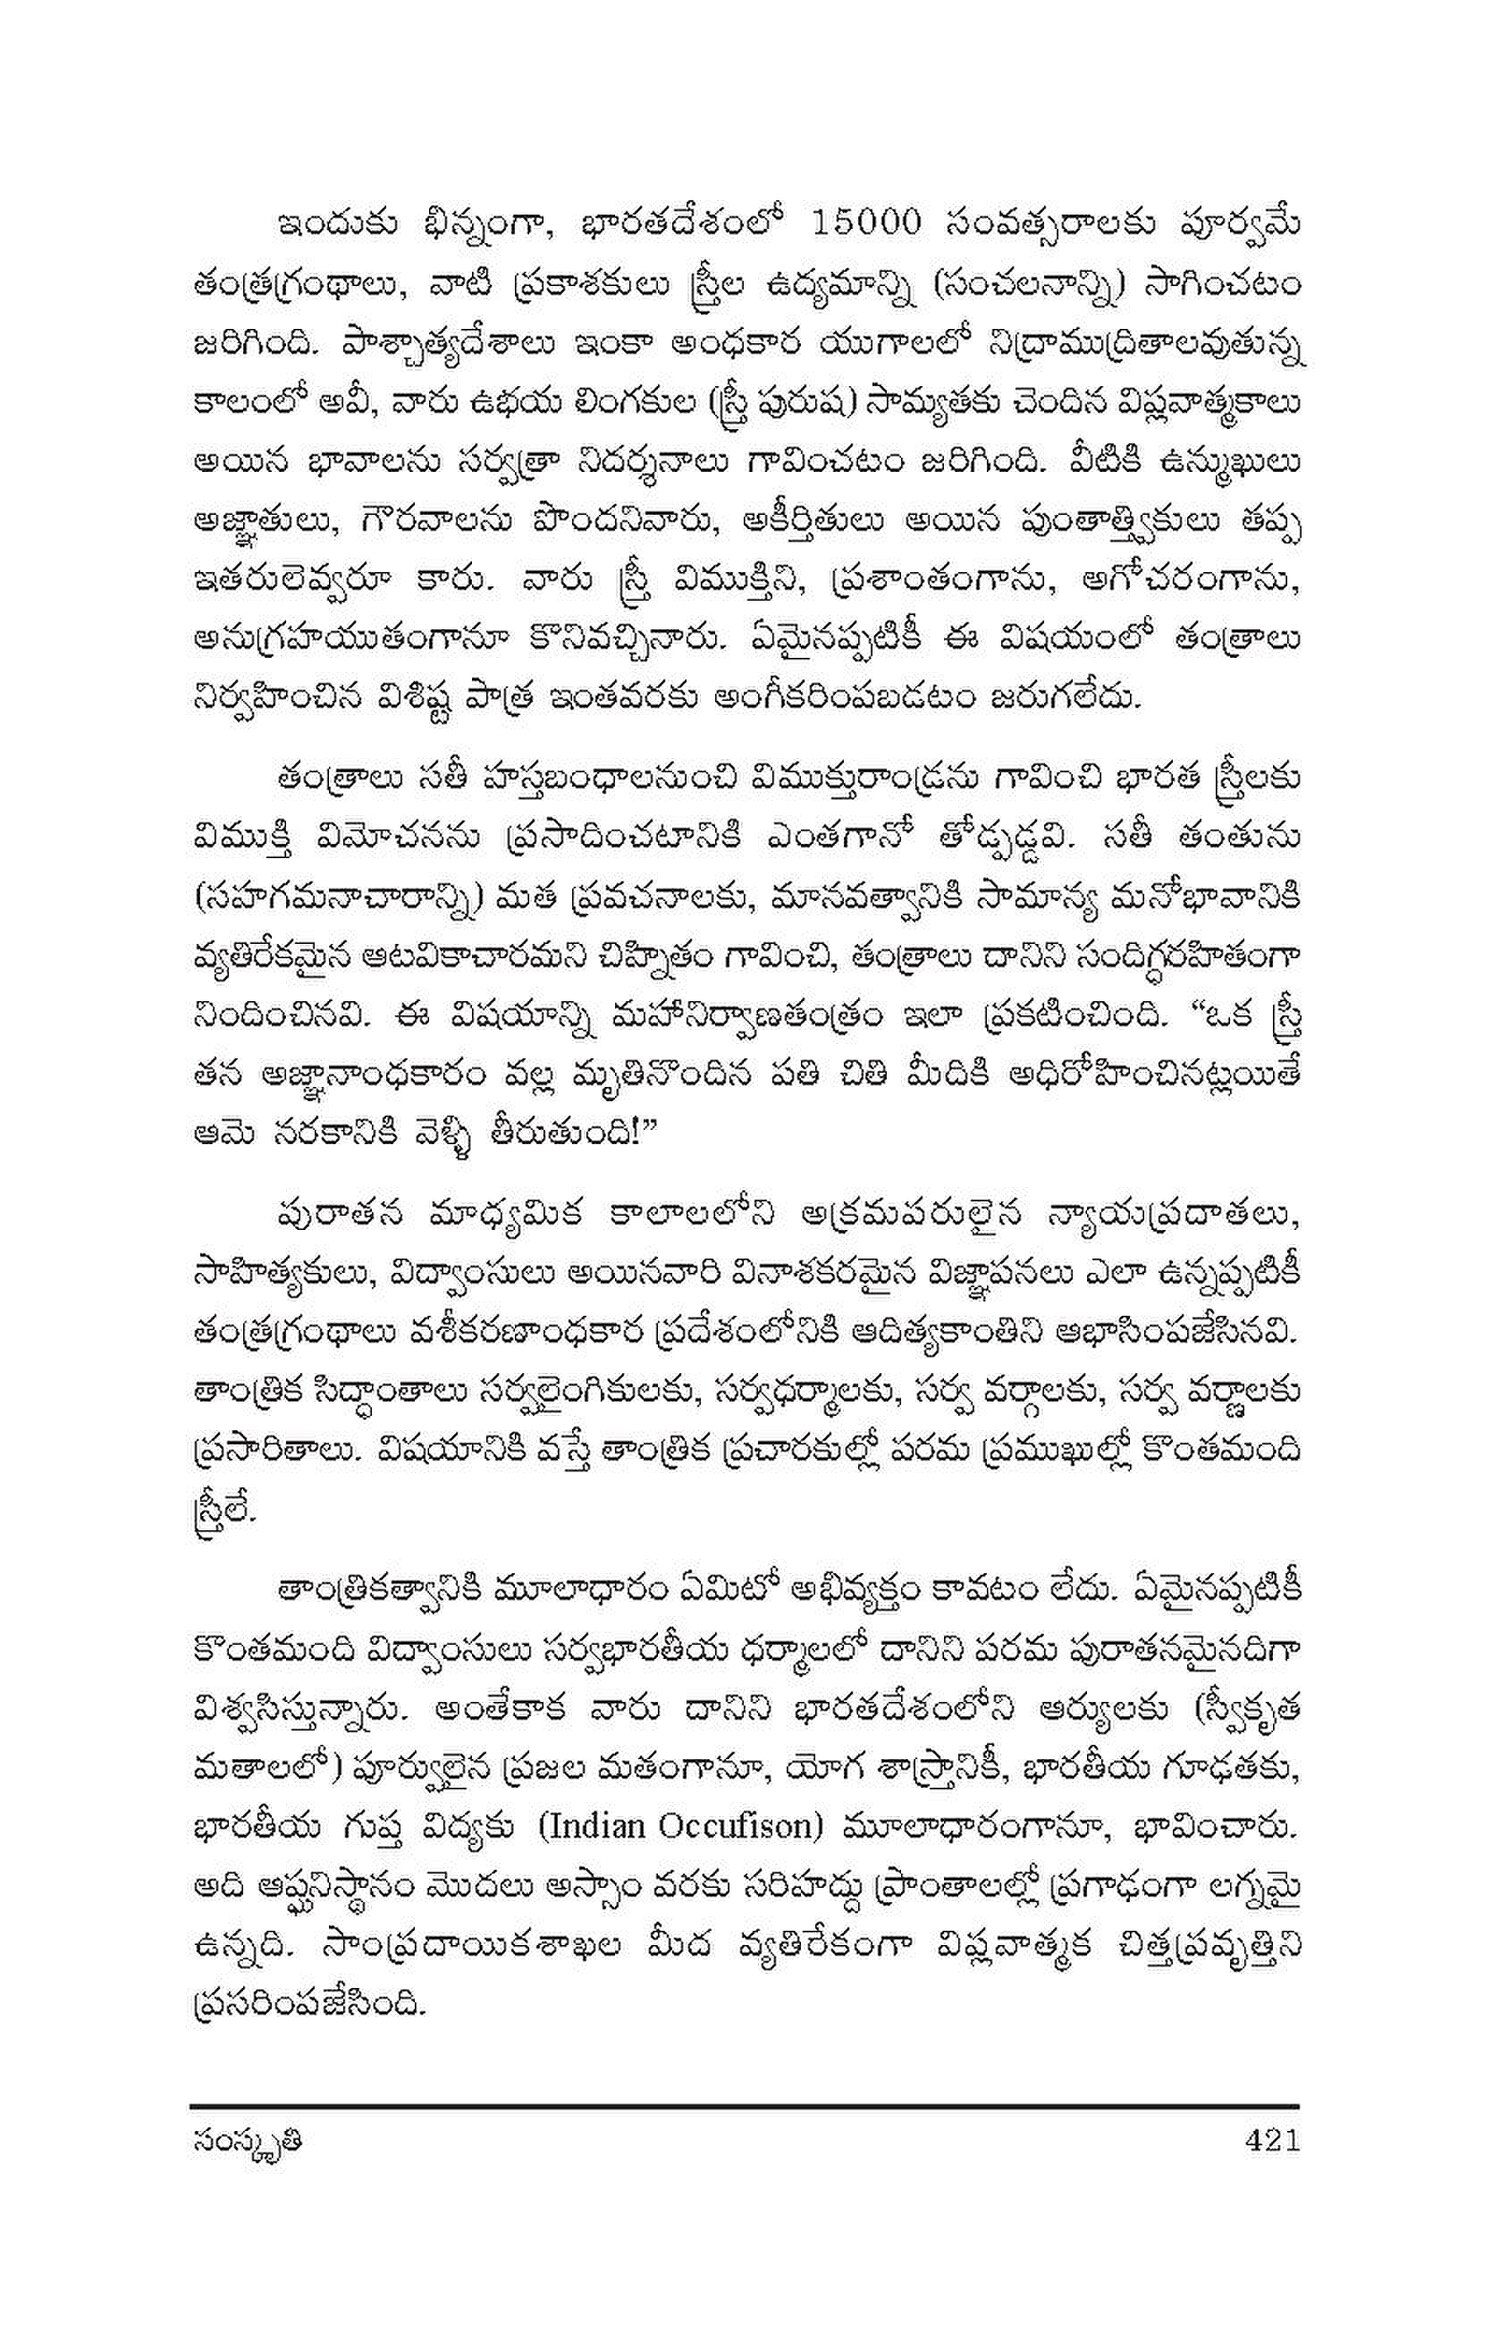ఇందుకు భిన్నంగా, భారతదేశంలో 15000 సంవత్సరాలకు పూర్వమే
తంత్రగ్రంథాలు, వాటి ప్రకాశకులు స్త్రీల ఉద్యమాన్ని (సంచలనాన్ని) సాగించటం
జరిగింది. పాశ్చాత్యదేశాలు ఇంకా అంధకార యుగాలలో నిద్రాముద్రితాలవుతున్న
కాలంలో అవీ, వారు ఉభయ లింగకుల (స్త్రీ పురుష) సామ్యతకు చెందిన విప్లవాత్మకాలు
అయిన భావాలను సర్వత్రా నిదర్శనాలు గావించటం జరిగింది. వీటికి ఉన్ముఖులు
అజ్ఞాతులు, గౌరవాలను పొందనివారు, అకీర్తితులు అయిన పుంతాత్త్వికులు తప్ప
ఇతరులెవ్వరూ కారు. వారు స్త్రీ విముక్తిని, ప్రశాంతంగాను, అగోచరంగాను,
అనుగ్రహయుతంగానూ కొనివచ్చినారు. ఏమైనప్పటికీ ఈ విషయంలో తంత్రాలు
నిర్వహించిన విశిష్ట పాత్ర ఇంతవరకు అంగీకరింపబడటం జరుగలేదు.

తంత్రాలు సతీ హస్తబంధాలనుంచి విముక్తురాండ్రను గావించి భారత స్త్రీలకు
విముక్తి విమోచనను ప్రసాదించటానికి ఎంతగానో తోడ్పడ్డవి. సతీ తంతును
(సహగమనాచారాన్ని) మత ప్రవచనాలకు, మానవత్వానికి సామాన్య మనోభావానికి
వ్యతిరేకమైన ఆటవికాచారమని చిహ్నితం గావించి, తంత్రాలు దానిని సందిగ్ధరహితంగా
నిందించినవి. ఈ విషయాన్ని మహానిర్వాణతంత్రం ఇలా ప్రకటించింది. “ఒక స్త్రీ
తన అజ్ఞానాంధకారం వల్ల మృతినొందిన పతి చితి మీదికి అధిరోహించినట్లయితే
ఆమె నరకానికి వెళ్ళి తీరుతుంది!”

పురాతన మాధ్యమిక కాలాలలోని అక్రమపరులైన న్యాయప్రదాతలు,
సాహిత్యకులు, విద్వాంసులు అయినవారి వినాశకరమైన విజ్ఞాపనలు ఎలా ఉన్నప్పటికీ
తంత్రగ్రంథాలు వశీకరణాంధకార ప్రదేశంలోనికి ఆదిత్యకాంతిని ఆభాసింపజేసినవి.
తాంత్రిక సిద్ధాంతాలు సర్వలైంగికులకు, సర్వధర్మాలకు, సర్వ వర్గాలకు, సర్వ వర్ణాలకు
ప్రసారితాలు. విషయానికి వస్తే తాంత్రిక ప్రచారకుల్లో పరమ ప్రముఖుల్లో కొంతమంది
స్త్రీలే.

తాంత్రికత్వానికి మూలాధారం ఏమిటో అభివ్యక్తం కావటం లేదు. ఏమైనప్పటికీ
కొంతమంది విద్వాంసులు సర్వభారతీయ ధర్మాలలో దానిని పరమ పురాతనమైనదిగా
విశ్వసిస్తున్నారు. అంతేకాక వారు దానిని భారతదేశంలోని ఆర్యులకు (స్వీకృత
మతాలలో) పూర్వులైన ప్రజల మతంగానూ, యోగ శాస్త్రానికీ, భారతీయ గూఢతకు,
భారతీయ గుప్త విద్యకు (Indian Occufison) మూలాధారంగానూ, భావించారు.
అది ఆఫ్ఘనిస్థానం మొదలు అస్సాం వరకు సరిహద్దు ప్రాంతాలల్లో ప్రగాఢంగా లగ్నమై
ఉన్నది. సాంప్రదాయికశాఖల మీద వ్యతిరేకంగా విప్లవాత్మక చిత్తప్రవృత్తిని
ప్రసరింపజేసింది.